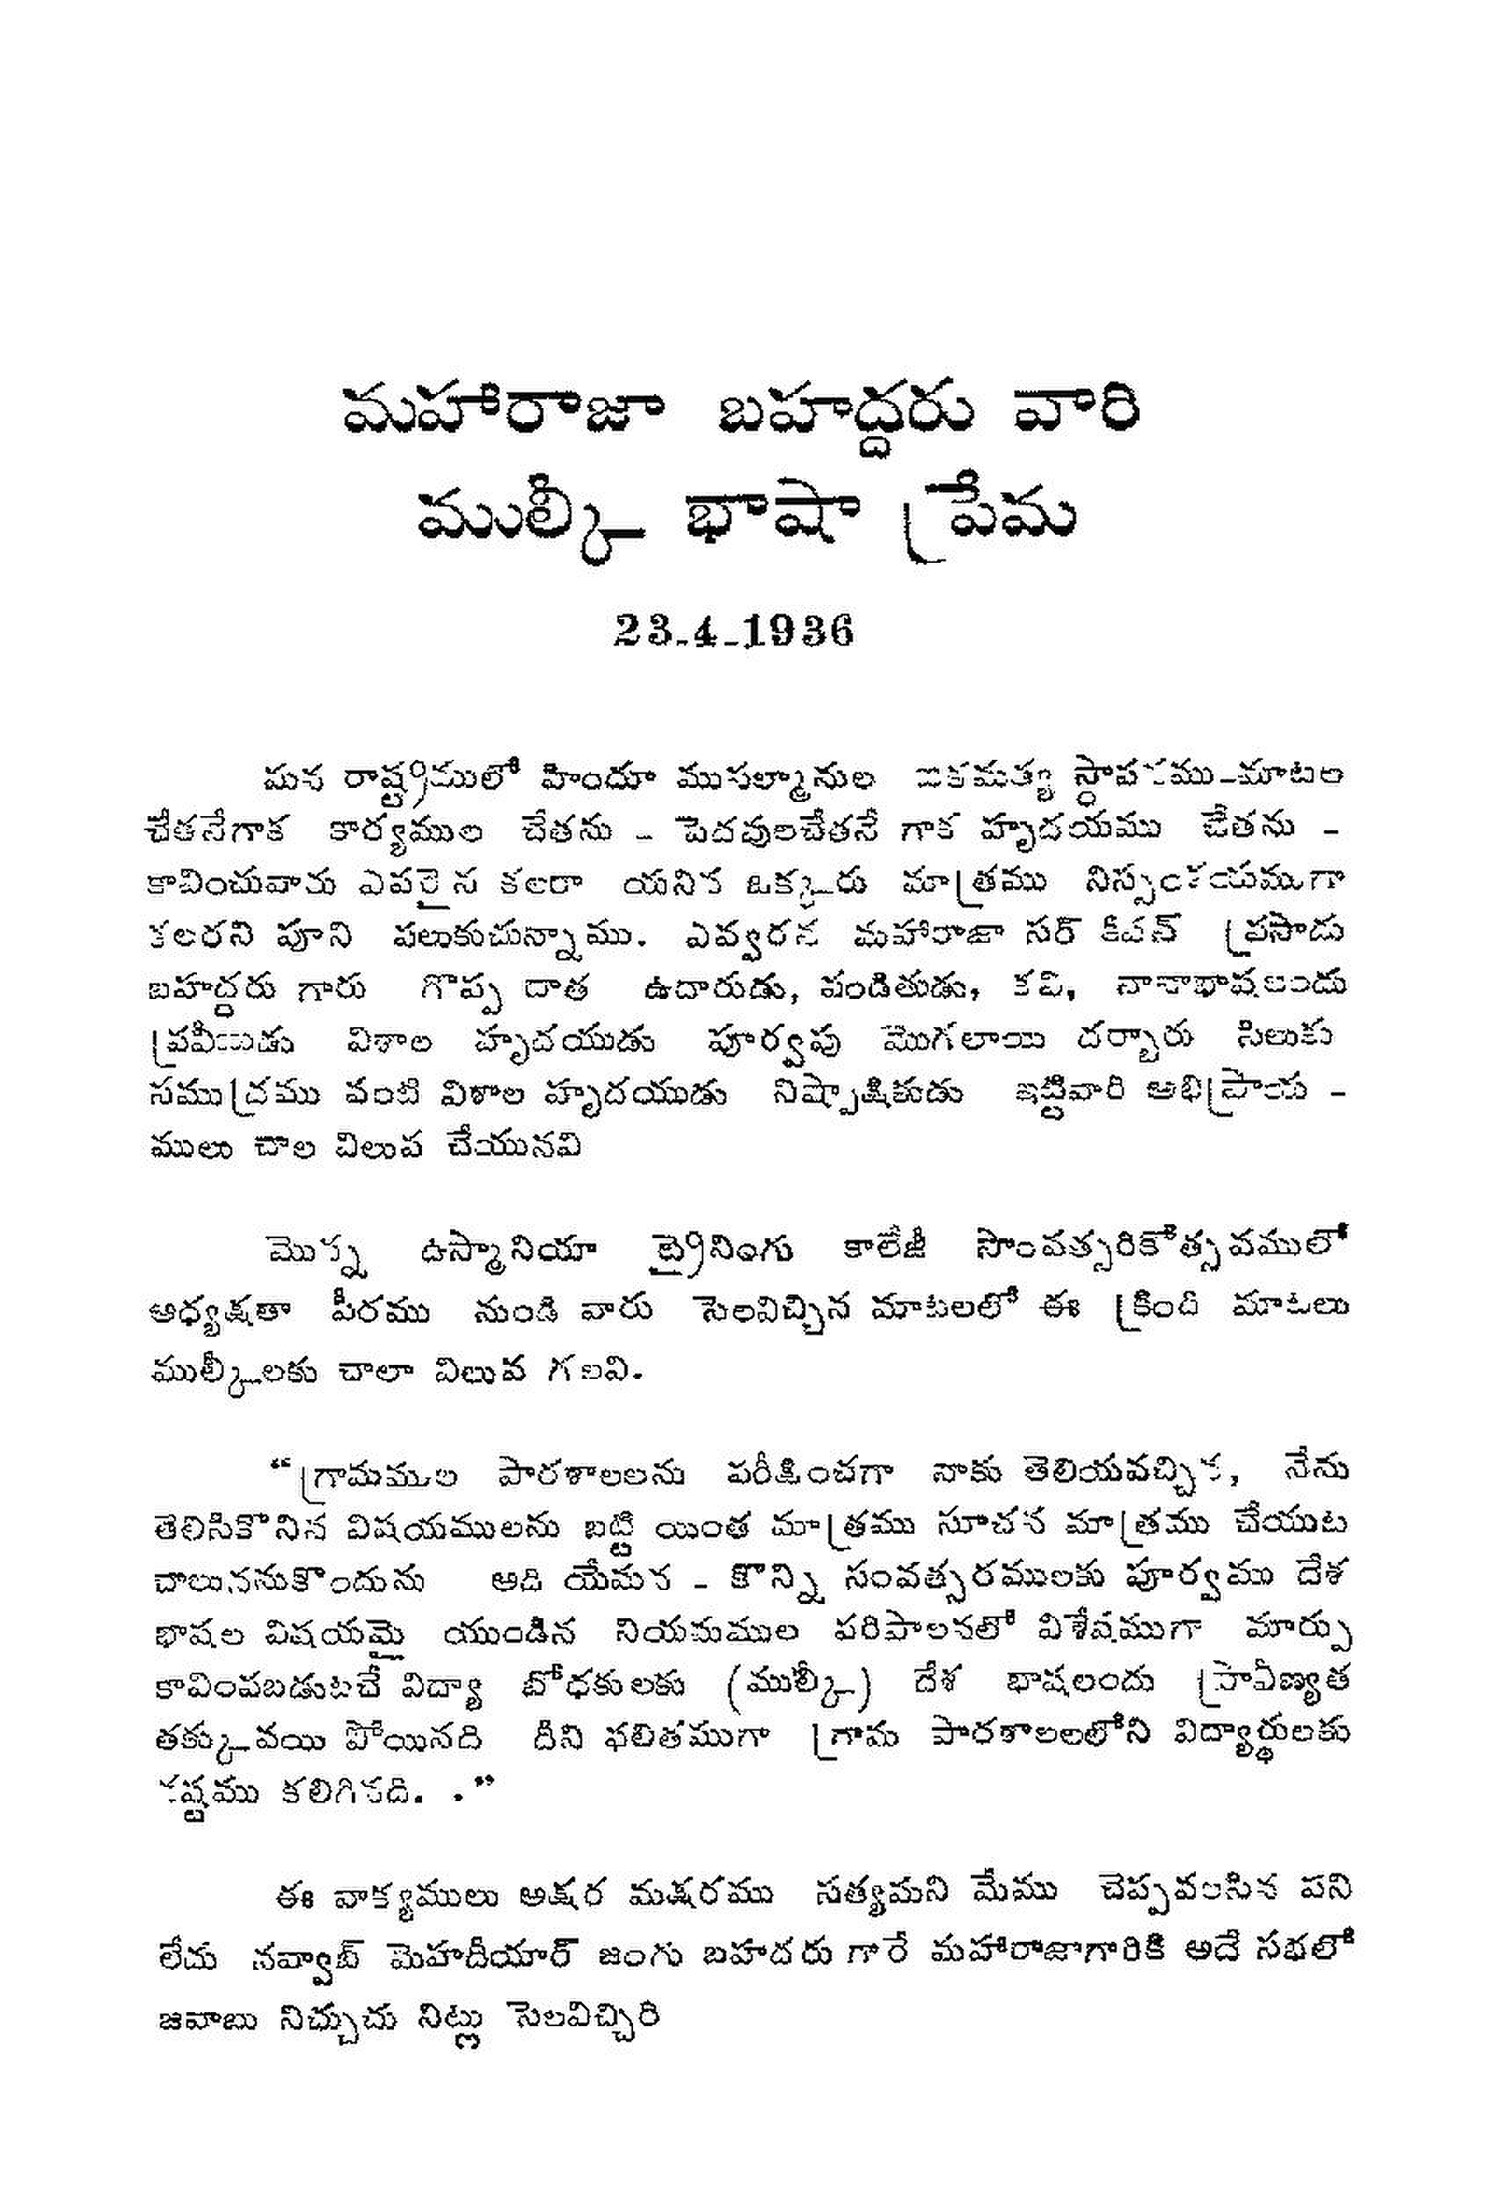మహారాజా బహద్దరు వారి ముల్కీ భాషా ప్రేమ

23 - 4 - 1936

మన రాష్ట్రములో హిందూ ముసల్మానుల ఐకమత్య స్థాపనము - మాటల చేతనేగాక కార్యముల చేతను - పెదవులచేతనే గాక హృదయము చేతను - కావించువారు ఎవరైన కలరా యనిన ఒక్కరు మాత్రము నిస్సంశయముగా కలరని పూని పలుకుచున్నాము. ఎవ్వరన మహారాజా సర్ కిషన్ ప్రసాదు బహద్దరు గారు గొప్ప దాత ఉదారుడు, పండితుడు, కవి, నానాభాషలందు ప్రవీణుడు విశాల హృదయుడు పూర్వపు మొగలాయి దర్బారు సిలుకు సముద్రము వంటి విశాల హృదయుడు నిష్పాక్షికుడు ఇట్టివారి అభిప్రాయములు చాల విలువ చేయునవి.

మొన్న ఉస్మానియా ట్రైనింగు కాలేజీ సాంవత్సరికోత్సవములో అధ్యక్షతా పీఠము నుండి వారు సెలవిచ్చిన మాటలలో ఈ క్రింది మాటలు ముల్కీలకు చాలా విలువ గలవి.

"గ్రామముల పాఠశాలలను పరీక్షించగా నాకు తెలియవచ్చిన, నేను తెలిసికొనిన విషయములను బట్టి యింత మాత్రము సూచన మాత్రము చేయుట చాలుననుకొందును అది యేమన - కొన్ని సంవత్సరములకు పూర్వము దేశభాషల విషయమై యుండిన నియమముల పరిపాలనలో విశేషముగా మార్పు కావింపబడుటచే విద్యా బోధకులకు (ముల్కీ) దేశ భాషలందు ప్రావీణ్యత తక్కువయి పోయినది దీని ఫలితముగా గ్రామ పాఠశాలలలోని విద్యార్థులకు
కష్టము కలిగినది."

ఈ వాక్యములు అక్షర మక్షరము సత్యమని మేము చెప్పవలసిన పని లేదు నవ్వాబ్ మెహదీయార్ జంగు బహదరు గారే మహారాజాగారికి అదే సభలో జవాబు నిచ్చుచు నిట్లు సెలవిచ్చిరి